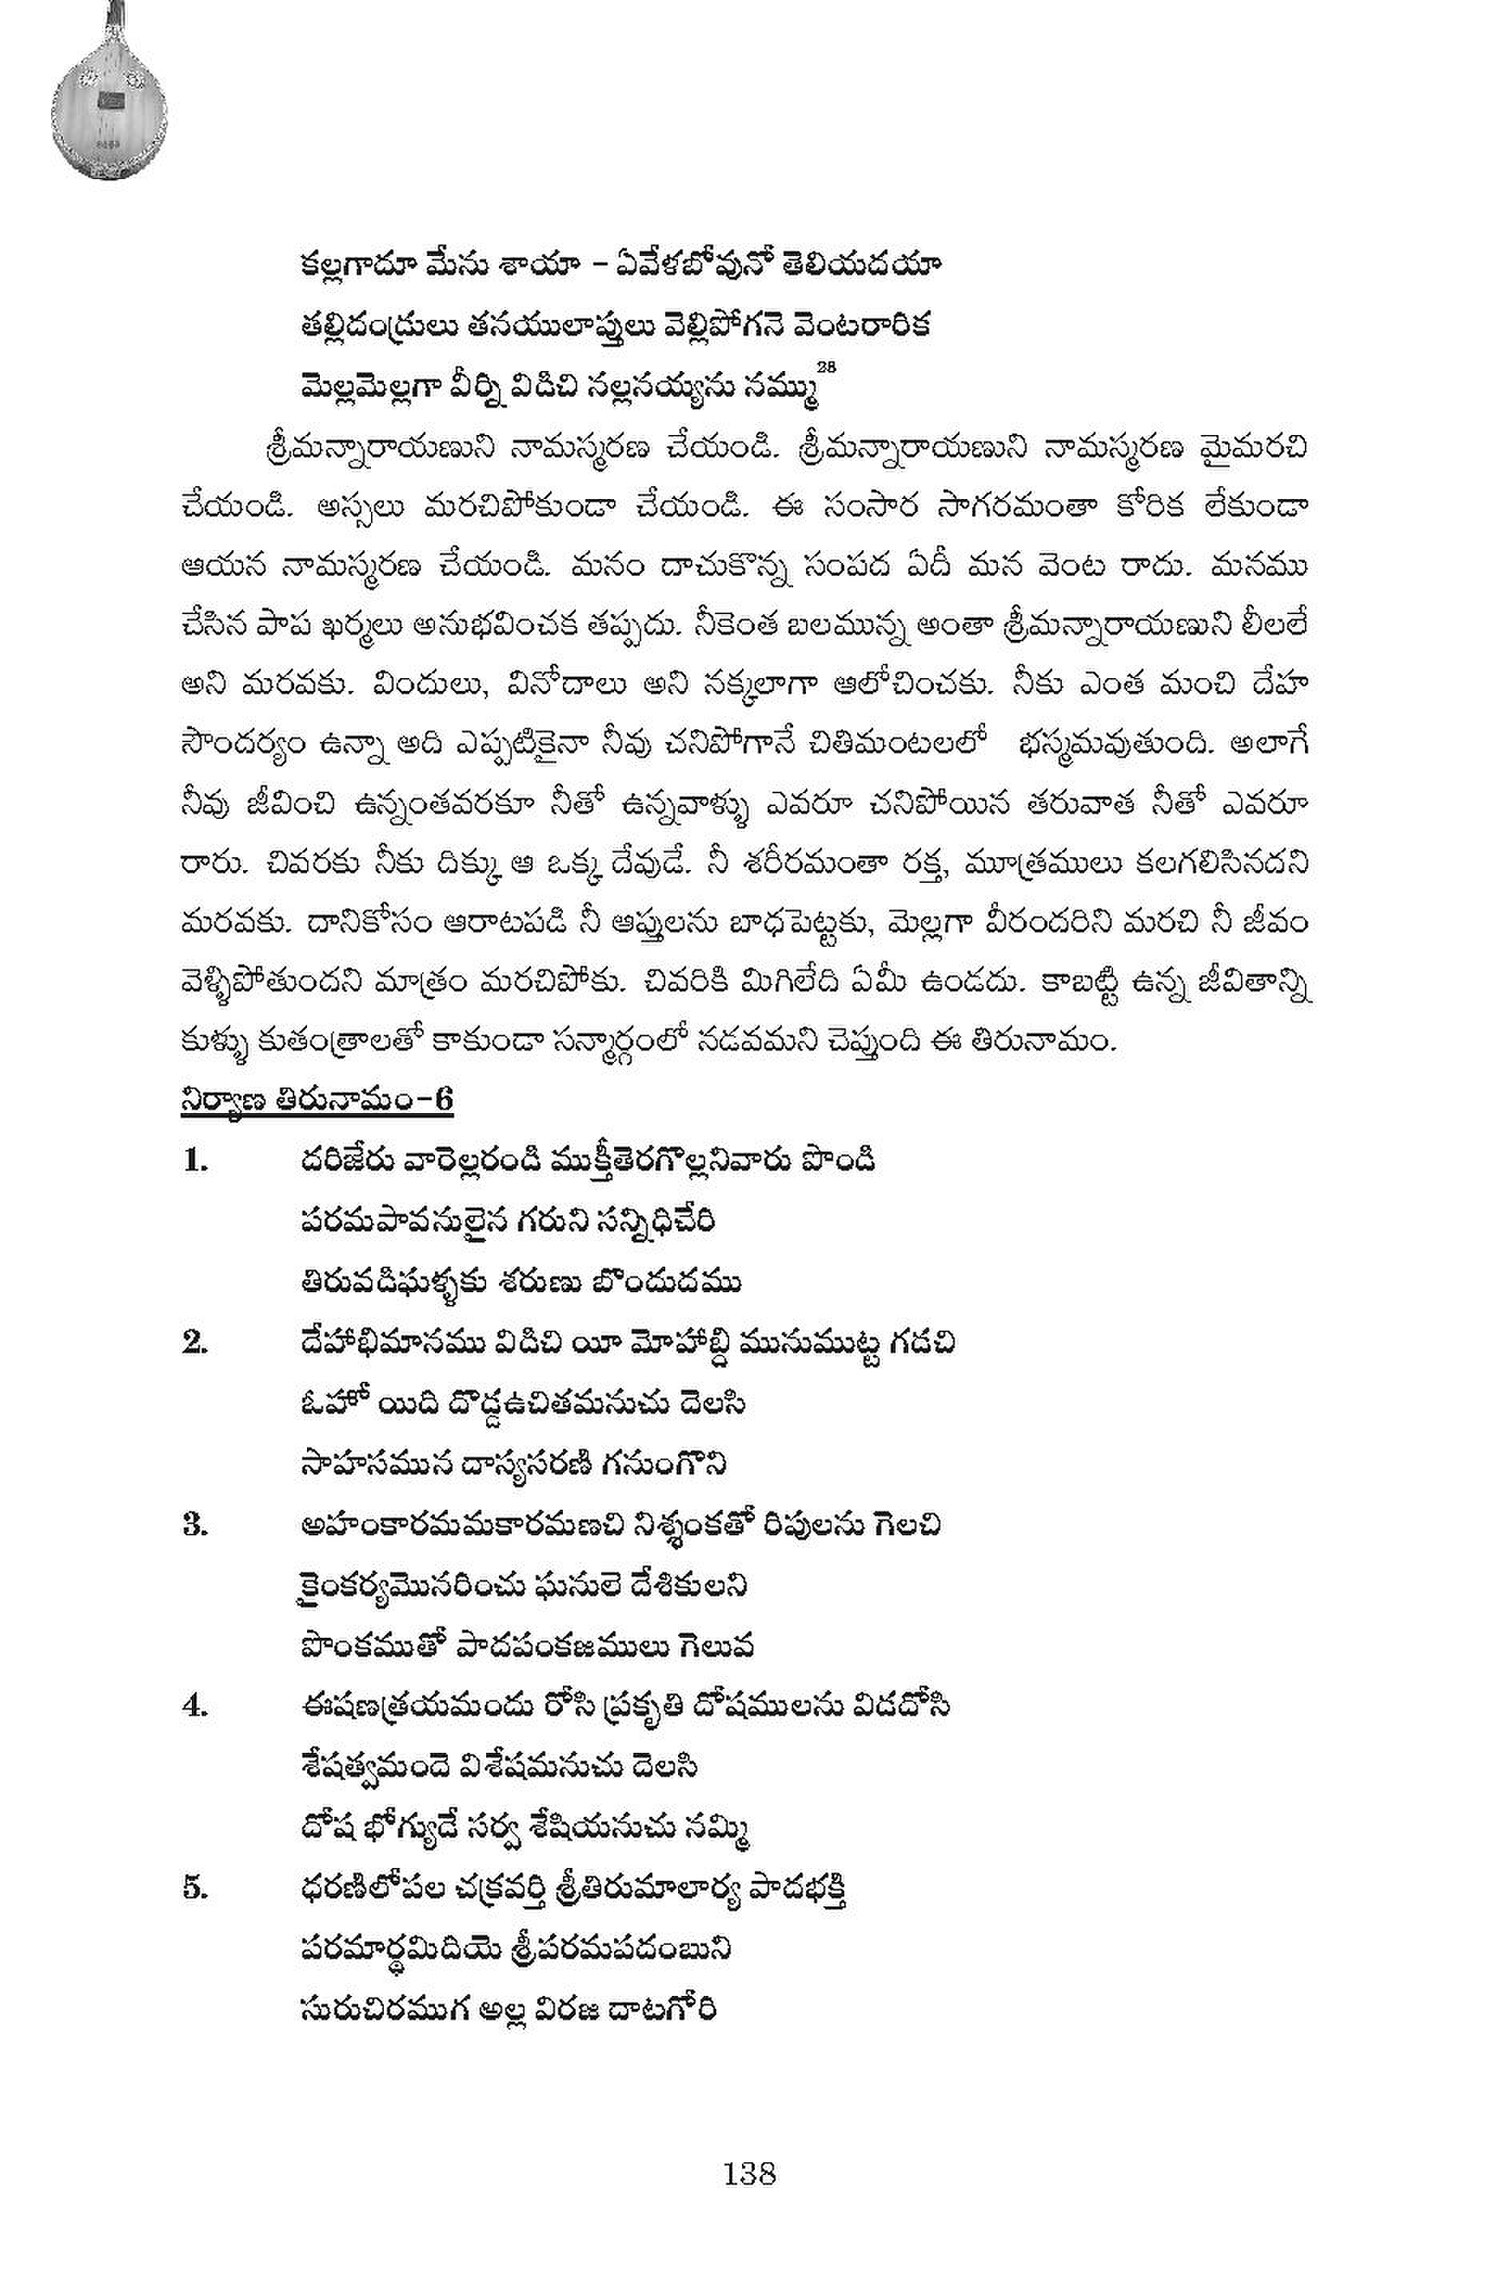కల్లగాదూ మేను శాయా - ఏవేళబోవునో తెలియదయా
తల్లిదండ్రులు తనయులాప్తులు వెల్లిపోగనె వెంటరారిక
మెల్లమెల్లగా వీర్ని విడిచి నల్లనయ్యను నమ్ము28

శ్రీమన్నారాయణుని నామస్మరణ చేయండి. శ్రీమన్నారాయణుని నామస్మరణ మైమరచి చేయండి. అస్సలు మరచిపోకుండా చేయండి. ఈ సంసార సాగరమంతా కోరిక లేకుండా ఆయన నామస్మరణ చేయండి. మనం దాచుకొన్న సంపద ఏదీ మన వెంట రాదు. మనము చేసిన పాప ఖర్మలు అనుభవించక తప్పదు. నీకెంత బలమున్న అంతా శ్రీమన్నారాయణుని లీలలే
అని మరవకు. విందులు, వినోదాలు అని నక్కలాగా ఆలోచించకు. నీకు ఎంత మంచి దేహ సౌందర్యం ఉన్నా అది ఎప్పటికైనా నీవు చనిపోగానే చితిమంటలలో భస్మమవుతుంది. అలాగే నీవు జీవించి ఉన్నంతవరకూ నీతో ఉన్నవాళ్ళు ఎవరూ చనిపోయిన తరువాత నీతో ఎవరూ రారు. చివరకు నీకు దిక్కు ఆ ఒక్క దేవుడే. నీ శరీరమంతా రక్త, మూత్రములు కలగలిసినదని మరవకు. దానికోసం ఆరాటపడి నీ ఆప్తులను బాధపెట్టకు, మెల్లగా వీరందరిని మరచి నీ జీవం వెళ్ళిపోతుందని మాత్రం మరచిపోకు. చివరికి మిగిలేది ఏమీ ఉండదు. కాబట్టి ఉన్న జీవితాన్ని కుళ్ళు కుతంత్రాలతో కాకుండా సన్మార్గంలో నడవమని చెప్తుంది ఈ తిరునామం.

నిర్వాణ తిరునామం-6

1. దరిజేరు వారెల్లరండి ముక్తీతెరగొల్లనివారు పొండి
పరమపావనులైన గరుని సన్నిధిచేరి
తిరువడిఘళ్ళకు శరుణు బొందుదము

2. దేహాభిమానము విడిచి యీ మోహాబ్ది మునుముట్ట గడచి
ఓహో యిది దొడ్డఉచితమనుచు దెలసి
సాహసమున దాస్యసరణి గనుంగొని

3. అహంకారమమకారమణచి నిశ్శంకతో రిపులను గెలచి
కైంకర్యమొనరించు ఘనులె దేశికులని
పొంకముతో పాదపంకజములు గెలువ

4. ఈషణత్రయమందు రోసి ప్రకృతి దోషములను విడదోసి
శేషత్వమందె విశేషమనుచు దెలసి
దోష భోగ్యుడే సర్వ శేషియనుచు నమ్మి

5. ధరణిలోపల చక్రవర్తి శ్రీతిరుమాలార్య పాదభక్తి
పరమార్థమిదియె శ్రీపరమపదంబుని
సురుచిరముగ అల్ల విరజ దాటగోరి